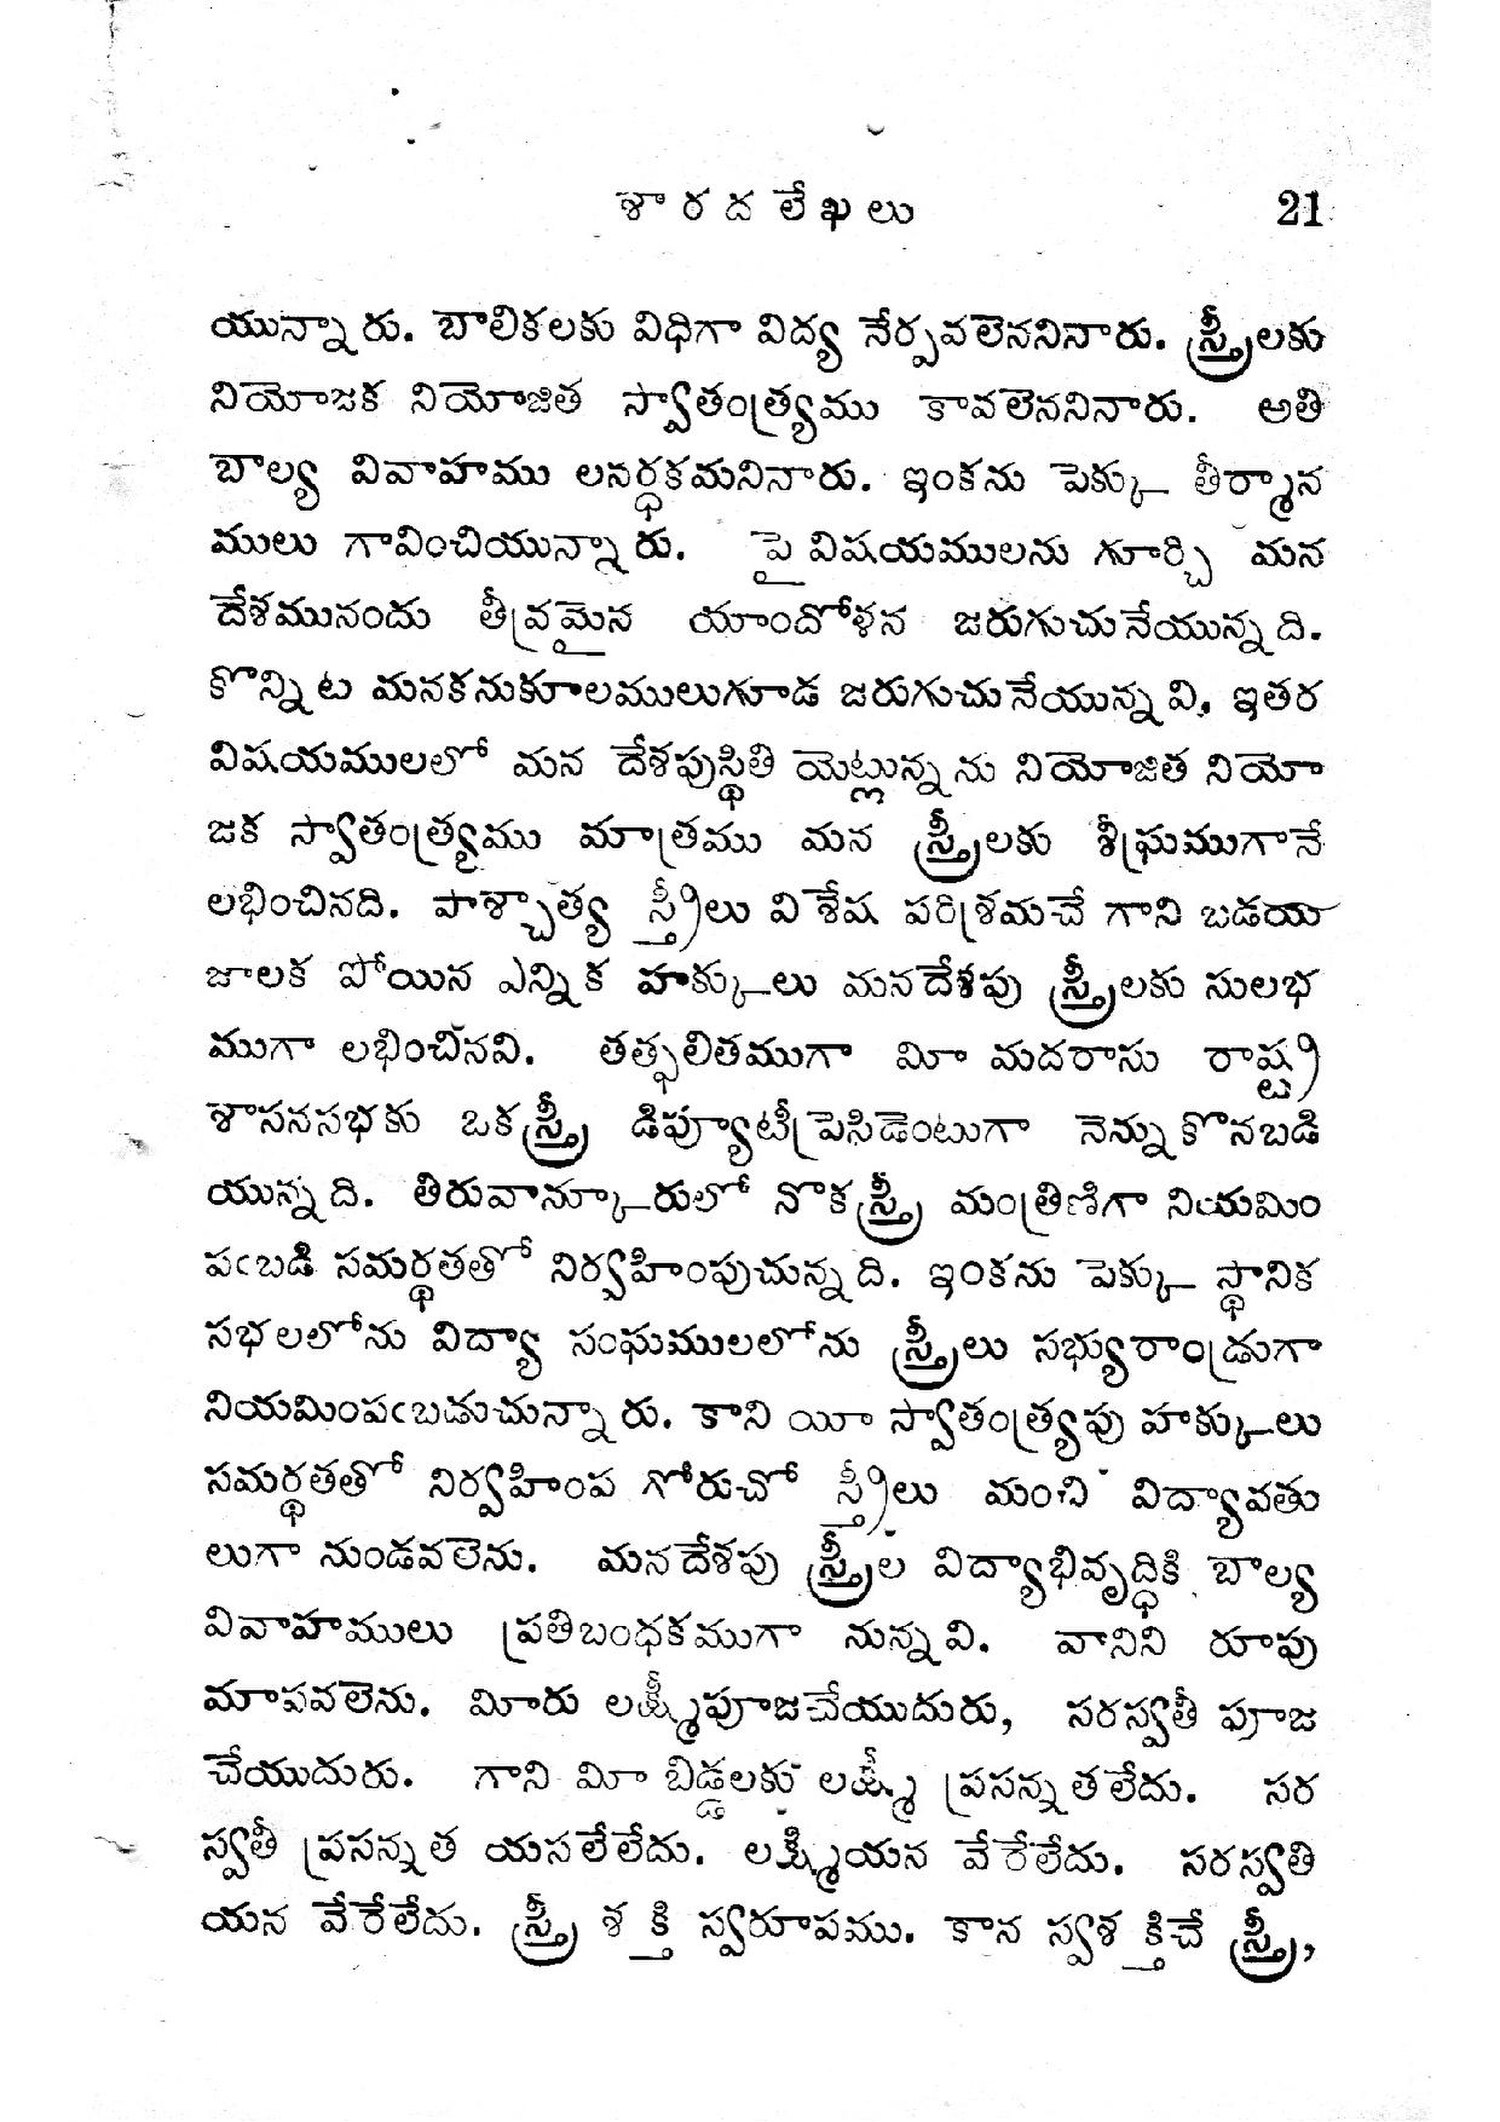యున్నారు. బాలికలకు విధిగా విద్య నేర్పవలెననినారు. స్త్రీలకు నియోజక నియోజిత స్వాతంత్య్రము కావలెననినారు. అతిబాల్య వివాహము లనిర్ధకమనినారు. ఇంకను పెక్కు తీర్మానములు గావించియున్నారు. పై విషయములను గూర్చి మనదేశమునందు తీవ్రమైన యాందోళన జరుగుచునేయున్నది. కొన్నిట మనకనుకూలములుగూడ జరుగుచునేయున్నవి, ఇతర విషయములలో మన దేశపుస్థితి యెట్లున్నను నియోజిత నియోజక స్వాతంత్ర్యము మాత్రము మన స్త్రీలకు శీఘ్రముగానే లభించినది. పాశ్చాత్య స్త్రీలు విశేష పరిశ్రమచే గాని బడయజాలక పోయిన ఎన్నిక హక్కులు మనదేశపు స్త్రీలకు సులభముగా లభించినవి. తత్ఫలితముగా మీ మదరాసు రాష్ట్రశాసనసభకు ఒకస్త్రీ డిప్యూటీ ప్రెసిడెంటుగా నెన్నుకొనబడి
యున్నది. తిరువాన్కూరులో నొకస్త్రీ మంత్రిణిగా నియమింపఁబడి సమర్థతతో నిర్వహింపుచున్నది. ఇంకను పెక్కు స్థానికసభలలోను విద్యా సంఘములలోను స్త్రీలు సభ్యురాండ్రుగా నియమింపఁబడుచున్నారు. కాని యీ స్వాతంత్ర్యపు హక్కులు సమర్థతతో నిర్వహింప గోరుచో స్త్రీలు మంచి విద్యావతులుగా నుండవలెను. మనదేశపు స్త్రీల విద్యాభివృద్ధికి బాల్యవివాహములు ప్రతిబంధకముగా నున్నవి. వానిని రూపు మాపవలెను. మీరు లక్ష్మీపూజచేయుదురు, సరస్వతీ పూజచేయుదురు. గాని మీ బిడ్డలకు లక్ష్మీ ప్రసన్నతలేదు. సరస్వతీ ప్రసన్నత యసలేలేదు. లక్ష్మియన వేరేలేదు. సరస్వతి యన వేరేలేదు. స్త్రీ శక్తి స్వరూపము. కాన స్వశక్తిచే స్త్రీ,